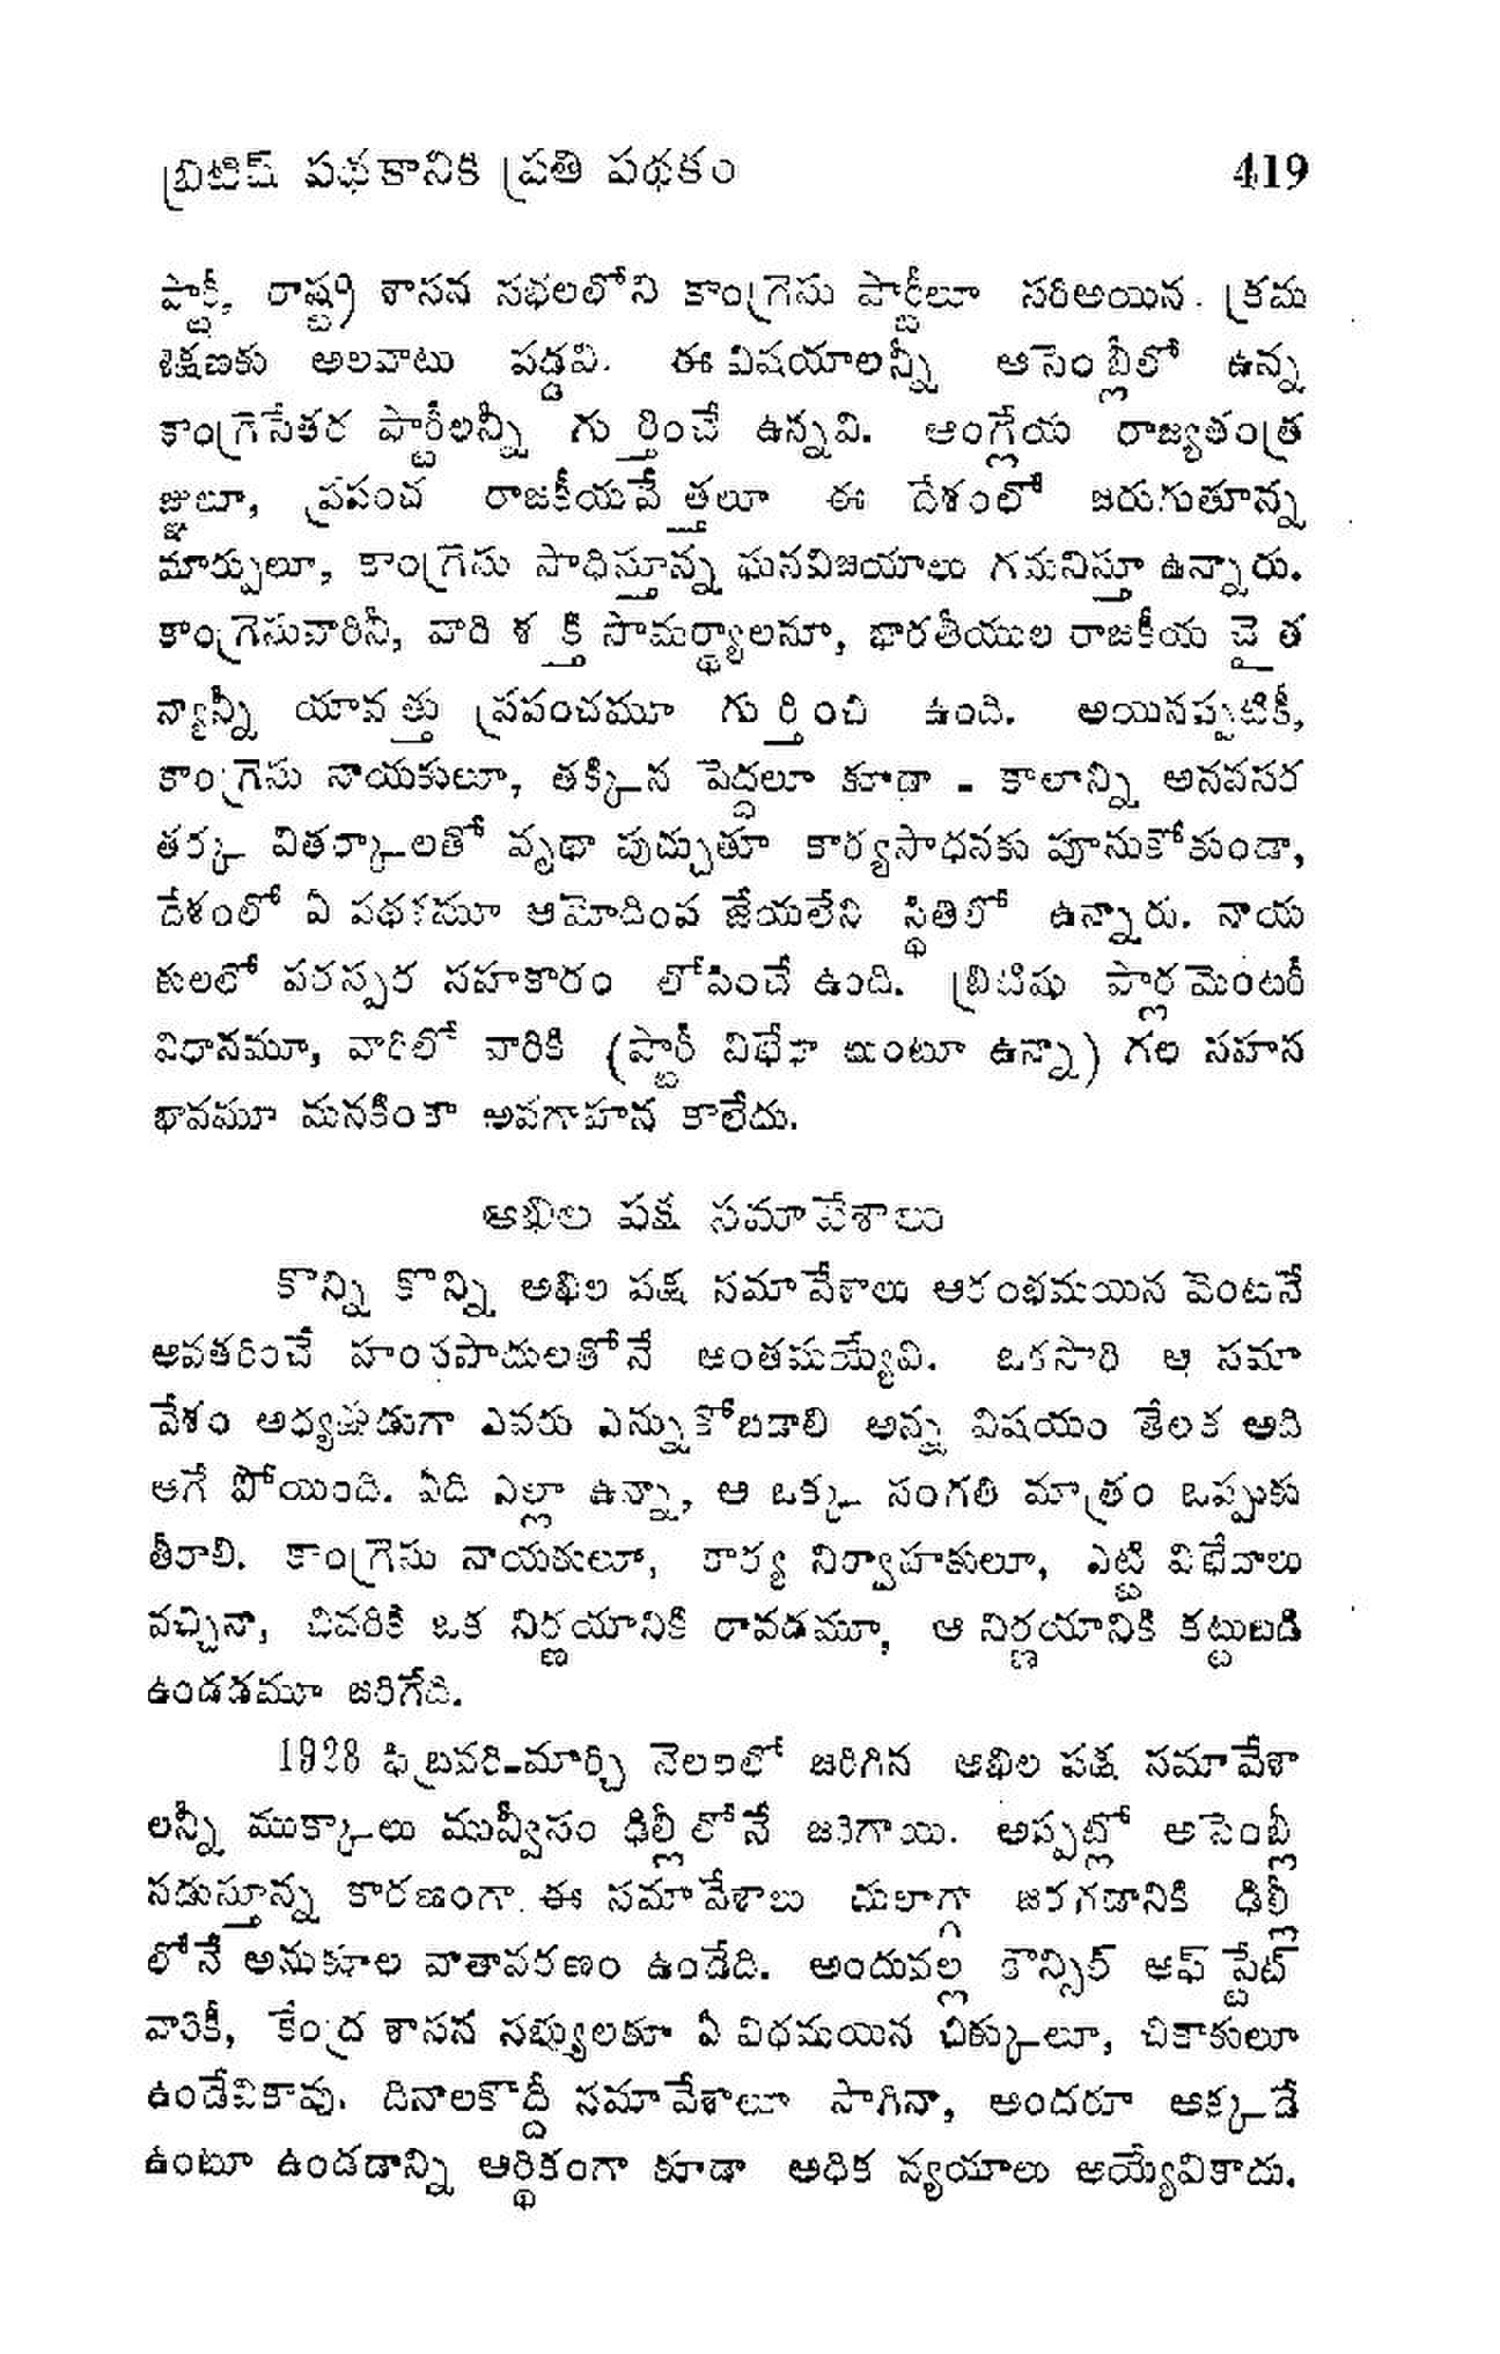పార్టీ, రాష్ట్ర శాసన సభలలోని కాంగ్రెసు పార్టీలూ సరిఅయిన క్రమ శిక్షణకు అలవాటు పడ్డవి. ఈ విషయాలన్నీ అసెంబ్లీలో ఉన్న కాంగ్రెసేతర పార్టీలన్నీ గుర్తించే ఉన్నవి. ఆంగ్లేయ రాజ్యతంత్రజ్ఞులూ, ప్రపంచ రాజకీయవేత్తలూ ఈ దేశంలో జరుగుతూన్న మార్పులూ, కాంగ్రెసు సాధిస్తూన్న ఘనవిజయాలు గమనిస్తూ ఉన్నారు.కాంగ్రెసువారినీ, వారి శక్రి సామర్థ్యాలనూ, భారతీయుల రాజకీయ చైతన్యాన్నీ యావత్తు ప్రపంచమూ గుర్తించి ఉంది. అయినప్పటికీ, కాంగ్రెసు నాయకులూ, తక్కిన పెద్దలూ కూడా - కాలాన్ని అనవసర తర్క వితర్కాలతో వృథా పుచ్చుతూ కార్యసాధనకు పూనుకోకుండా, దేశంలో ఏ పథకమూ ఆమోదింప జేయలేని స్థితిలో ఉన్నారు. నాయకులలో పరస్పర సహకారం లోపించే ఉంది. బ్రిటిషు పార్లమెంటరీ విధానమూ, వారిలో వారికి (పార్టీ విభేధా లుంటూ ఉన్నా) గల సహనభావమూ మనకింకా అవగాహన కాలేదు.

కొన్ని కొన్ని అఖిల పక్ష సమావేశాలు ఆరంభమయిన వెంటనే అవతరించే హంసపాదులతోనే అంతమయ్యేవి. ఒకసారి ఆ సమావేశం అధ్యక్షుడుగా ఎవరు ఎన్నుకోబడాలి అన్న విషయం తేలక అది ఆగే పోయింది. ఏది ఎల్లా ఉన్నా, ఆ ఒక్క సంగతి మాత్రం ఒప్పుకుతీరాలి. కాంగ్రెసు నాయకులూ, కార్య నిర్వాహకులూ, ఎట్టి విభేదాలు వచ్చినా, చివరికి ఒక నిర్ణయానికి రావడమూ, ఆ నిర్ణయానికి కట్టుబడి ఉండడమూ జరిగేది.

1928 ఫిబ్రవరి - మార్చి నెలలలో జరిగిన అఖిల పక్ష సమావేశాలన్నీ ముక్కాలు మువ్వీసం డిల్లీలోనే జరిగాయి. అప్పట్లో అసెంబ్లీ నడుస్తూన్న కారణంగా ఈ సమావేశాలు చులాగ్గా జరగడానికి డిల్లీలోనే అనుకూల వాతావరణం ఉండేది. అందువల్ల కౌన్సిల్ ఆఫ్ స్టేట్ వారికీ, కేంద్ర శాసన సభ్యులకూ ఏ విధమయిన చిక్కులూ, చికాకులూ ఉండేవికావు. దినాలకొద్దీ సమావేశాలూ సాగినా, అందరూ అక్కడే ఉంటూ ఉండడాన్ని ఆర్థికంగా కూడా అధిక వ్యయాలు అయ్యేవికాదు.